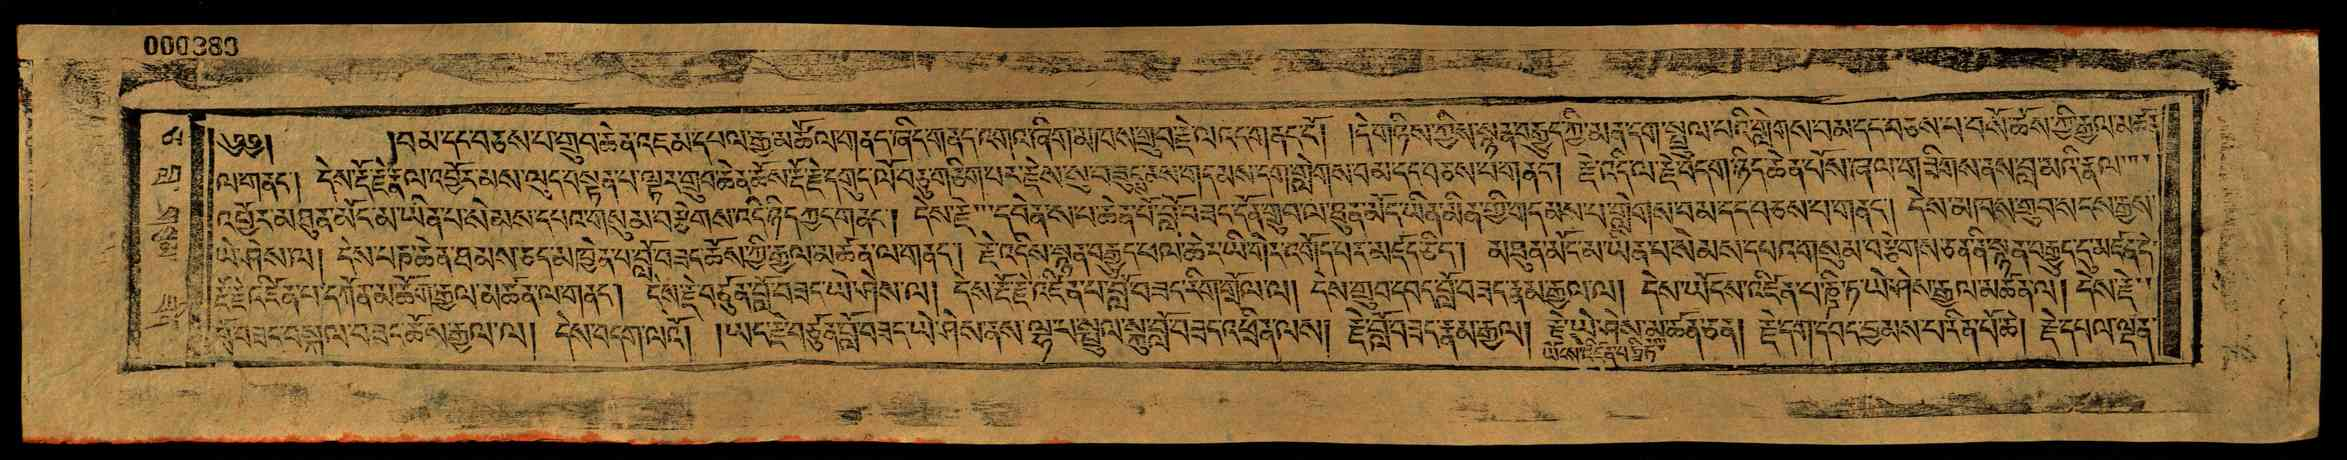༄༅། །བམ་དང་བཅས་པ་གྲུབ་ཆེན་འཇམ་དཔལ་རྒྱ་མཚོ་ལ་གནང་ཞིང་གནད་འགའ་ཞིག་མཁས་གྲུབ་རྗེ་ལའང་གནང་ངོ། །དེ་གཉིས་ཀྱིས་སྙན་བརྒྱུད་ཀྱི་མན་ངག་སྤྲུལ་པའི་གླེགས་བམ་དང་བཅས་པ་བ་སོ་ཆོས་ཀྱི་རྒྱལ་མཚན་
ལ་གནང་། དེས་རྡོ་རྗེ་རྣལ་འབྱོར་མས་ལུང་བསྟན་པ་ལྟར་གྲུབ་ཆེན་ཆོས་རྡོ་རྗེ་དགུང་ལོ་བཅུ་གཅིག་པར་རྗེས་སུ་བཟུང་ནས་གདམས་ངག་གླེགས་བམ་དང་བཅས་པ་གནང་། རྗེ་འདི་ལ། བདག་ཉིད་ཆེན་པོས་ཞལ་གཟིགས་ནས་བླ་མའི་རྣལ་
འབྱོར་མཐུན་མོང་མ་ཡིན་པ་སེམས་དཔའ་གསུམ་བརྩེགས་འདི་ཉིད་ཀྱང་གནང་། དེས་རྗེ་དབེན་ས་པ་ཆེན་པོ་བློ་བཟང་དོན་གྲུབ་ལ་ཐུན་མོང་ཡིན་མིན་གྱི་གདམས་པ་གླེགས་བམ་དང་བཅས་པ་གནང་། དེས་མཁས་གྲུབ་སངས་རྒྱས་
ཡེ་ཤེས་ལ། དེས་པཎ་ཆེན་ཐམས་ཅད་མཁྱེན་པ་བློ་བཟང་ཆོས་ཀྱི་རྒྱལ་མཚན་ལ་གནང་། རྗེ་འདིས་སྙན་བརྒྱུད་ཕལ་ཆེར་ཡི་གེར་འགོད་པར་མཛད་ཅིང་། མཐུན་མོང་མ་ཡིན་པ་སེམས་དཔའ་གསུམ་བརྩེགས་ཅན་ནི་སྙན་བརྒྱུད་དུ་མཛད་དེ་
རྡོ་རྗེ་འཛིན་པ་དཀོན་མཆོག་རྒྱལ་མཚན་ལ་གནང་། དེས་རྗེ་བཙུན་བློ་བཟང་ཡེ་ཤེས་ལ། དེས་རྡོ་རྗེ་འཛིན་པ་བློ་བཟང་རིག་གྲོལ་ལ། དེས་གྲུབ་དབང་བློ་བཟང་རྣམ་རྒྱལ་ལ། དེས་ཡོངས་འཛིན་པཎྜི་ཏ་ཡེ་ཤེས་རྒྱལ་མཚན་ལ། དེས་རྗེ་
བློ་བཟང་བསྐལ་བཟང་ཆོས་རྒྱལ་ལ། དེས་བདག་ལའོ། །ཡང་རྗེ་བཙུན་བློ་བཟང་ཡེ་ཤེས་ནས་ལྷ་པ་སྤྲུལ་སྐུ་བློ་བཟང་འཕྲིན་ལས། རྗེ་བློ་བཟང་རྣམ་རྒྱལ། རྗེ་ཡེ་ཤེས་མཚན་ཡོངས་འཛིན་པཎྜིཏ་ཅན། རྗེ་ངག་དབང་བྱམས་པ་རིན་པོ་ཆེ། རྗེ་དཔལ་ལྡན་